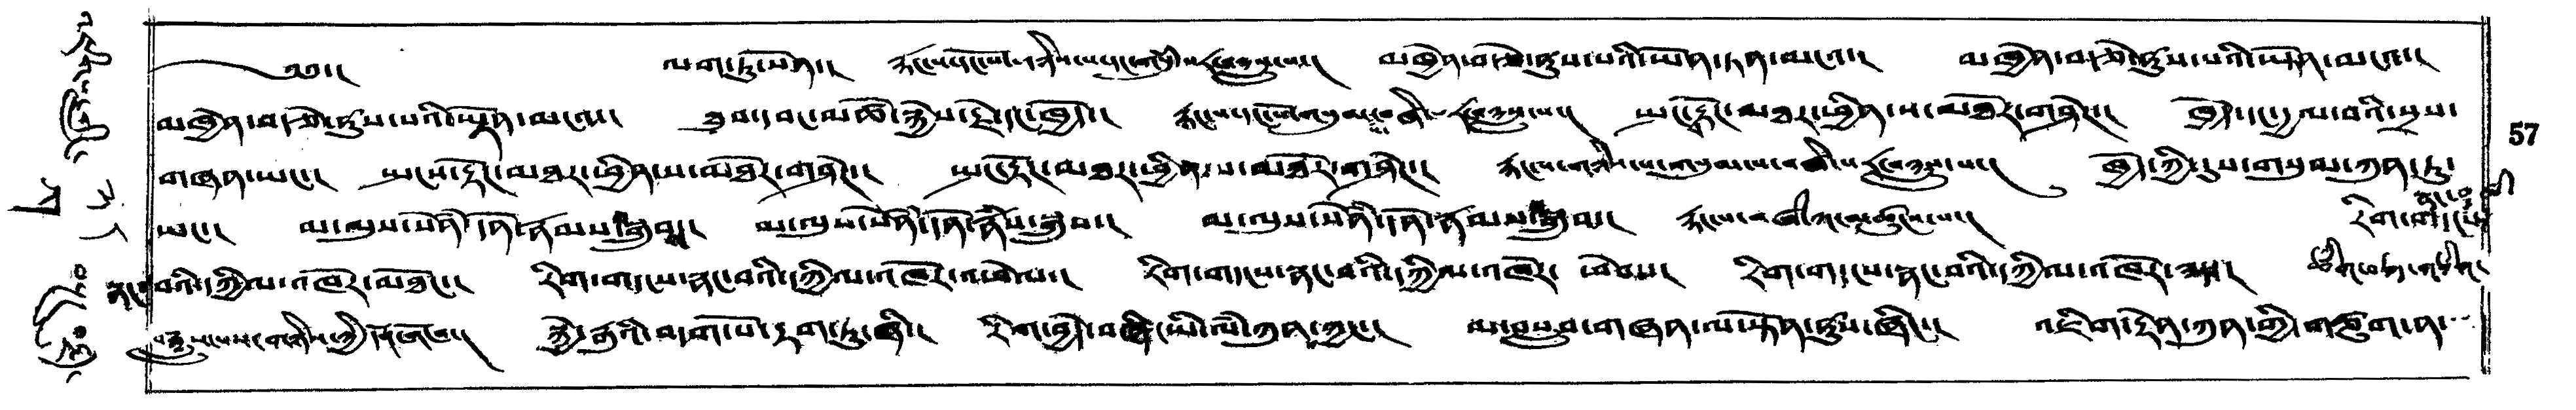ལག་ཏུ་སོན། ། རྐང་པ་དང་པོ་གཉིས་པ་དང་གསུམ་པར་བཟླས་པ། མཁྱེན་བརྩེ་ནུས་པའི་ཡོན་ཏན་མངའ། །མཁྱེན་བརྩེ་ནུས་པའི་ཡོན་ཏན་མངའ། །མཁྱེན་བརྩེ་ནུས་པའི་ཡོན་ཏན་མངའ། །
ཐུབ་དབང་མཚོ་སྐྱེས་རྗེ་དང་ཁྱོད། ། རྐང་པ་དང་པོ་གསུམ་པ་བཞི་པར་བཟླས་པ། སྤངས་རྟོགས་མཐར་ཕྱིན་ས་མཐོར་གཤེགས། །ཁྱོད་དང་རྒྱལ་བའི་སྲས་
གཞན་ཡང་། །སྤངས་རྟོགས་མཐར་ཕྱིན་ས་མཐོར་གཤེགས། །སྤངས་རྟོགས་མཐར་ཕྱིན་ས་མཐོར་གཤེགས། རྐང་པ་གཉིས་པ་གསུམ་པ་བཞི་པར་བཟླས་པ། ཁྱོད་ཀྱི་དུས་གསུམ་ཀུན་ཏུ་
ཡང་། །མ་ལུས་སེམས་ཅན་དོན་རྣམས་སྒྲུབ། །མ་ལུས་སེམས་ཅན་དོན་རྣམས་སྒྲུབ། །མ་ལུས་སེམས་ཅན་དོན་རྣམས་སྒྲུབ། ། རྐང་པ་བཞི་ཀ་མཚུངས་པ། རིག་གདངས་སྣང་བཞི་
སྣང་བའི་དཀྱིལ་འཁོར་མཐོང་། །རིག་གདངས་སྣང་བའི་དཀྱིལ་འཁོར་འཕེལ། །རིག་གདངས་སྣང་བའི་དཀྱིལ་འཁོར་ཕེབས། །རིག་གདངས་སྣང་བའི་དཀྱིལ་འཁོར་ཟད། ། ཚིག་བཅད་གཅིག་
བཟླས་པས་གཉིས་ཀྱི་དོན་གོ་བ། སྐྱེ་རྒུའི་བདག་པོ་རྟག་ཏུ་ཞི། །རིག་བྱེད་བཞི་ཡི་ལམ་ཀུན་ཀྱང་། །མ་བསླབས་གཞན་ལ་སྟོན་ནུས་ཞིང་། །འཇིག་རྟེན་ཀུན་གྱི་གཙུག་ན་